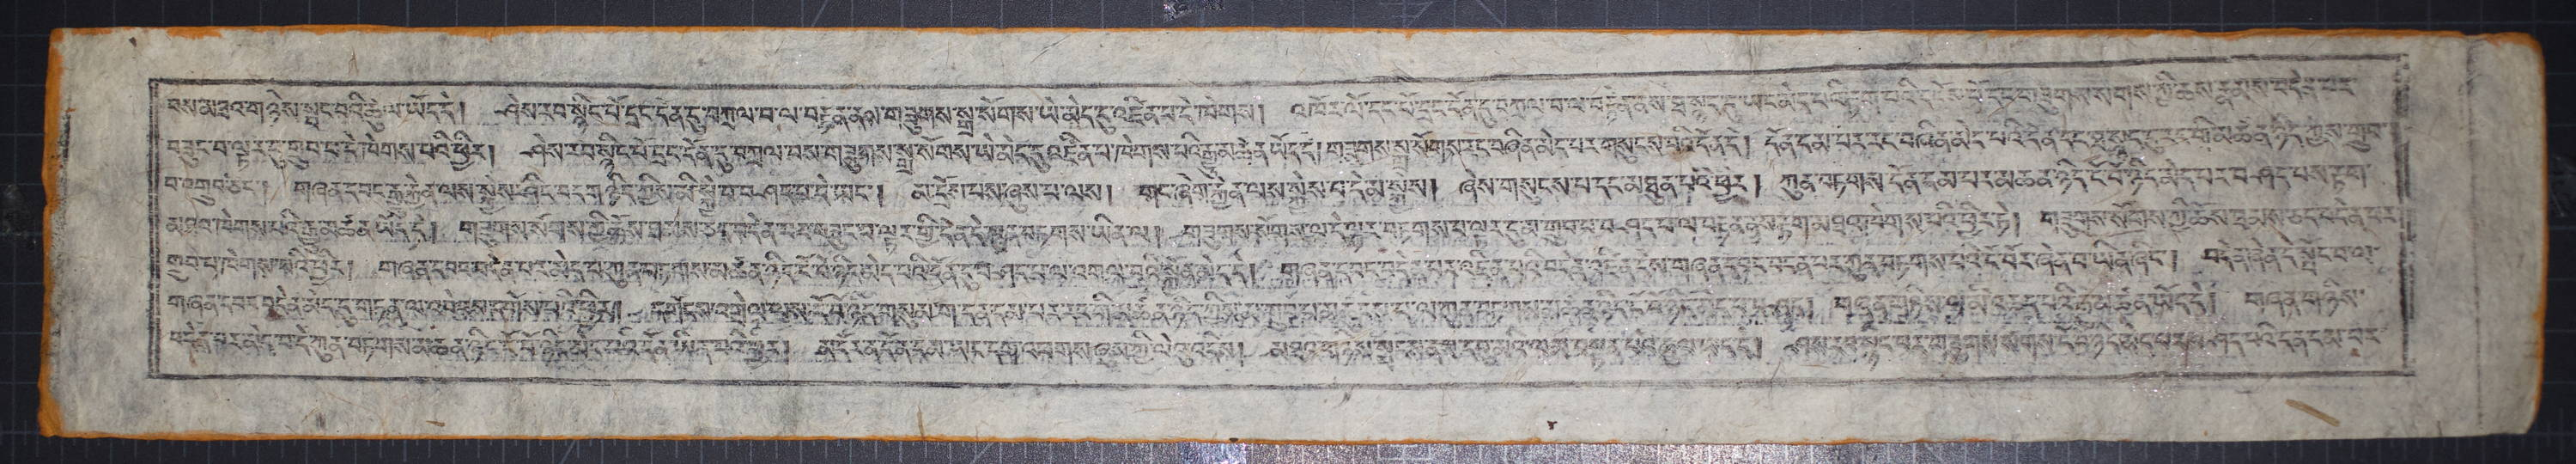པས་མཐའ་གཉིས་སྤང་བའི་ཚུལ་ཡོད་དེ། ཤེས་རབ་སྙིང་པོ་དྲང་དོན་དུ་བཀྲལ་བ་ལ་བརྟེན་ནས་གཟུགས་སྒྲ་སོགས་ཡེ་མེད་དུ་འཛིན་པ་དེ་ཁེགས། འཁོར་ལོ་དང་པོ་དྲང་དོན་དུ་བཀྲལ་བ་ལ་བརྟེན་ནས་ཐ་སྙད་དུ་ཡང་མེད་པའི་རྟག་པའི་དངོས་པོ་དང་གཟུགས་སོགས་ཀྱི་ཆོས་རྣམས་བདེན་པར་
བཟུང་བ་ལྟར་དུ་གྲུབ་པ་དེ་ཁེགས་པའི་ཕྱིར། ཤེས་རབ་སྙིང་པོ་དྲང་དོན་དུ་བཀྲལ་བས་གཟུགས་སྒྲ་སོགས་ཡེ་མེད་དུ་འཛིན་པ་ཁེགས་པའི་རྒྱུ་མཚན་ཡོད་དེ། གཟུགས་སྒྲ་སོགས་རང་བཞིན་མེད་པར་གསུངས་པའི་དོན་དེ། དོན་དམ་པར་རང་བཞིན་མེད་པའི་དོན་དང་ཐ་སྙད་དུ་རང་གི་མཚན་ཉིད་ཀྱིས་གྲུབ་
པ་འགྲུབ་ཅིང་། གཞན་དབང་རྒྱུ་རྐྱེན་ལས་སྐྱེས་ཤིང་བདག་ཉིད་ཀྱིས་མི་སྐྱེ་བ་བཤད་པ་དེ་ཡང་། མ་དྲོས་པས་ཞུས་པ་ལས། གང་ཞིག་རྐྱེན་ལས་སྐྱེས་པ་དེ་མ་སྐྱེས། ཞེས་གསུངས་པ་དང་མཐུན་པའི་ཕྱིར། ཀུན་བཏགས་དོན་དམ་པར་མཚན་ཉིད་ངོ་བོ་ཉིད་མེད་པར་བཤད་པས་རྟག་
མཐའ་ཁེགས་པའི་རྒྱུ་མཚན་ཡོད་དེ། གཟུགས་སོགས་ཀྱི་ཆོས་ཐམས་ཅད་བདེན་པར་བཟུང་བ་ལྟར་གྱི་དོན་དེ་ཀུན་བཏགས་ཡིན་ལ། གཟུགས་སོགས་ལ་དེ་ལྟར་བཏགས་པ་ལྟར་དུ་མ་གྲུབ་པ་བཤད་པ་ལ་བརྟེན་ནས་རྟག་མཐའ་ཁེགས་པའི་ཕྱིར་ཏེ། གཟུགས་སོགས་ཀྱི་ཆོས་ཐམས་ཅད་བདེན་པར་
གྲུབ་པ་ཁེགས་པའི་ཕྱིར། གཞང་དབང་བདེན་པར་མེད་པ་ཀུན་བཏགས་མཚན་ཉིད་ངོ་བོ་ཉིད་མེད་པའི་དོན་དུ་བཤད་པ་ལ་འགལ་བའི་སྐྱོན་མེད་དེ། གཞན་དབང་བདེན་པར་འཛིན་པའི་བདེན་འཛིན་དེས་གཞན་དབང་བདེན་པར་ཀུན་བཏགས་པའི་ངོ་བོར་ཞེན་པ་ཡིན་ཞིང་། བདེན་ཞེན་དེ་སྤོང་བ་ལ་
གཞན་དབང་བདེན་མེད་དུ་གཏན་ལ་འབེབས་དགོས་པའི་ཕྱིར། དགོངས་འགྲེལ་ལས་ངོ་བོ་ཉིད་གསུམ་ག་དོན་དམ་པར་རང་གི་མཚན་ཉིད་ཀྱིས་མ་གྲུབ་པ་མཚུངས་པ་ལ་ཀུན་བཏགས་མཚན་ཉིད་ངོ་བོ་ཉིད་མེད་པ་བཤད། གཞན་གཉིས་ལ་མི་འཆད་པའི་རྒྱུ་མཚན་ཡོད་དེ། གཞན་གཉིས་
བདེན་པར་མེད་པ་དེ་ཀུན་བཏགས་མཚན་ཉིད་ངོ་བོ་ཉིད་མེད་པའི་དོན་ཡིན་པའི་ཕྱིར། མདོར་ན་དོན་དམ་ཡང་དག་འཕགས་ཞུས་ཀྱི་ལེའུ་འདིས། མཐའ་གཉིས་སྤངས་ནས་དབུ་མའི་ལམ་བསྟན་པའི་ཚུལ་ཡོད་དེ། ཤེས་རབ་སྙིང་པོར་གཟུགས་སོགས་ངོ་བོ་ཉིད་མེད་པར་བཤད་པའི་དོན་དམ་པར་